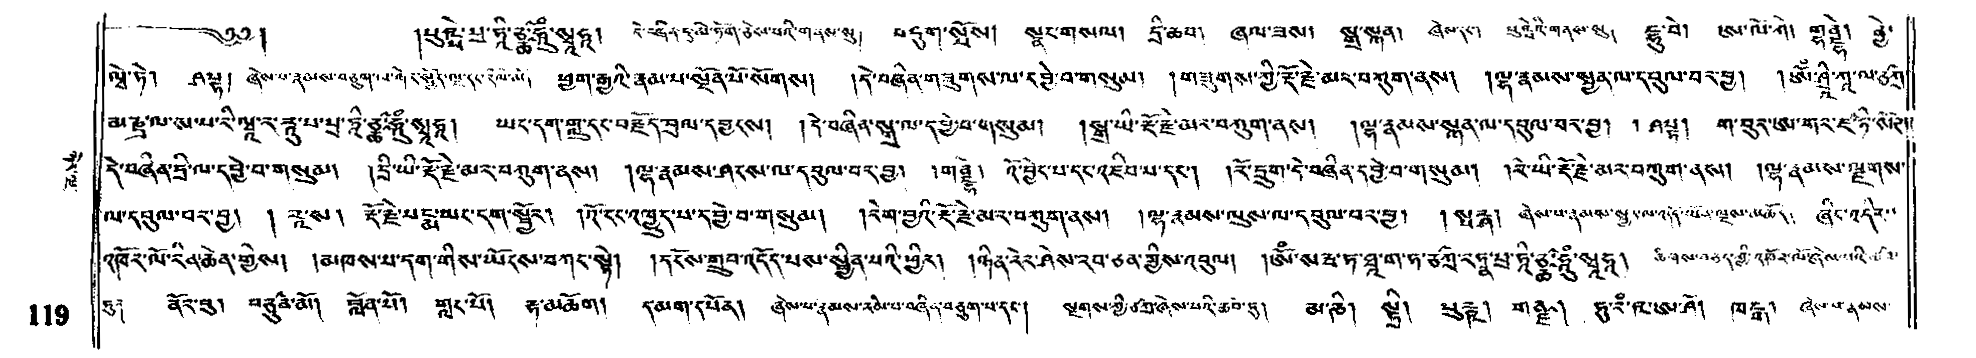༄༅། །པུཥྤེ་པྲ་ཏཱི་ཙྪ་ཧཱུཾ་སྭཱ་ཧཱ། དེ་བཞིན་དུ་མེ་ཏོག་ཅེས་པའི་གནས་སུ།  བདུག་སྤོས། སྣང་གསལ། དྲི་ཆབ། ཞལ་ཟས། སྒྲ་སྙན། ཞེས་དང་། པུཥྤེའི་གནས་སུ།  དྷུ་བེ། ཨ་ལོ་གེ། གྷནྡྷེ། ནྱེ་
ལྭེ་ཏེ། ཤཔྟ། ཞེས་པ་རྣམས་བཅུག་པ་ཉེར་སྤྱོད་ལྔ་དང་རོལ་མོ།  ཕྱག་རྒྱའི་རྣམ་པ་སྔོན་པོ་སོགས། །དེ་བཞིན་གཟུགས་ལ་དབྱེ་བས་གསུམ། །གཟུགས་ཀྱི་རྡོ་རྗེ་མར་བཀུག་ནས། །ལྷ་རྣམས་སྤྱན་ལ་དབུལ་བར་བྱ། །ཨོཾ་ཤྲཱི་ཀཱ་ལ་ཙཀྲ་
མཎྜལ་ས་པ་རི་ཝཱ་ར་རཱུ་པ་པྲ་ཏཱི་ཙྪ་ཧཱུཾ་སྭཱ་ཧཱ། ཡང་དག་གླུ་དང་བརྗོད་བྲལ་དབྱངས། །དེ་བཞིན་སྒྲ་ལ་དབྱེ་བ་གསུམ། །སྒྲ་ཡི་རྡོ་རྗེ་མར་བཀུག་ནས། །ལྷ་རྣམས་སྙན་ལ་དབུལ་བར་བྱ། །ཤཔྟ། ག་བུད་ཨ་གར་ཛ་ཏཾ་སོགས་
དེ་བཞིན་དྲི་ལ་དབྱེ་བ་གསུམ། །དྲི་ཡི་རྡོ་རྗེ་མར་བཀུག་ནས། །ལྷ་རྣམས་ཤངས་ལ་དབུལ་བར་བྱ། །གནྡྷེ། འོ་བྱེད་པ་དང་འཇིབ་པ་དང་། །རོ་དྲུག་དེ་བཞིན་དབྱེ་བ་གསུམ། །རེ་ཡི་རྡོ་རྗེ་མར་བཀུག་ནས། །ལྷ་རྣམས་ལྗགས་
ལ་དབུལ་བར་བྱ། །རཱ་ས། རྡོ་རྗེ་པདམ་ཡང་དག་སྦྱོང་། །འོ་དང་འཁྱུད་པར་དབྱེ་བ་གསུམ། །དགེ་བྱའི་རྡོ་རྗེ་མར་བཀུག་ནས། །ལྷ་རྣམས་ལུས་ལ་དབུལ་བར་བྱ། །སྤརྴ། ཞེས་པ་རྣམས་སྦྱར་ལ་འདོད་ཡོན་ལྔས་མཆོད།  ཞིང་འདིར་
འཁོར་ལོ་རིན་ཆེན་གྱིས། །མཁས་པ་དག་གིས་ཡོངས་བཀང་སྟེ། །དངོས་གྲུབ་འདོད་པས་སྦྱིན་པའི་ཕྱིར། །ཉིན་རེར་ཤེས་རབ་ཅན་གྱིས་འབུལ། །ཨོཾ་སརྦ་ཏ་ཐཱ་ག་ཏ་ཙཀྲ་རཏྣ་པྲ་ཏཱི་ཙྪ་ཧཱུཾ་སྭཱ་ཧཱ། ཚིགས་བཅད་ཀྱི་འཁོར་ལོ་ཞེས་པའི་ཚབ་
ཏུ༑ ནོར་བུ། བཙུན་མོ། བློན་པོ། གླང་པོ། རྟ་མཆོག། དམག་དཔོན། ཞེས་པ་རྣམས་རིམ་པ་བཞིན་བཅུག་པ་དང་། སྔགས་ཀྱི་ཙཀྲ་ཞེས་པའི་ཚབ་ཏུ།  མ་ཎི། སྟྲི། པུརྵ། གནྫ། ཏུ་རཾ་ཥ་ཨ་ཤོ། ཁངྒ། ཞེས་པ་རྣམས་